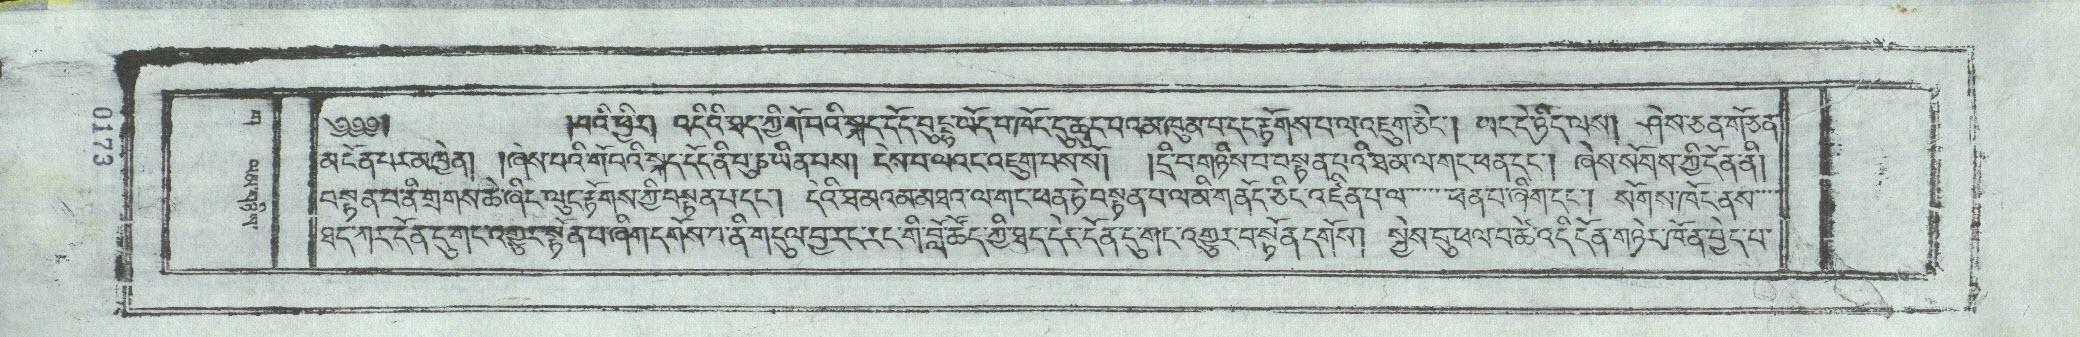༄༅༅། །པའི་ཕྱིར། འདིའི་ཐད་ཀྱི་གོ་བའི་སྐད་དོད་བུདྷ་ཡོད་པ་ཁོང་དུ་ཆུད་པའམ་ཁུམ་པ་དང་རྟོགས་པ་ལ་འཇུག་ཅིང་། ཡང་དེ་ཉིད་ལས། ཤེས་ཅན་གོ་ཅན་
མངོན་པར་མཁྱེན། །ཞེས་པའི་གོ་པའི་སྐད་དོད་ནི་པུཎ་ཡིན་པས། ངེས་པ་ལའང་འཇུག་པས་སོ། །དྲི་བ་གཉིས་པ་བསྟན་པའི་ཐ་མ་ལ་གང་ཕན་དང་། ཞེས་སོགས་ཀྱི་དོན་ནི།
བསྟན་པ་ནི་གྲགས་ཆེ་ཞིང་ལུང་རྟོགས་ཀྱི་བསྟན་པ་དང་། དེའི་ཐ་མའམ་མཐའ་ལ་གང་ཕན་ཏེ་བསྟན་པ་ལ་མི་གནོད་ཅིང་འཛིན་པ་ལ་ཕན་བ་ཞིག་དང་། སོགས་ཁོང་ནས་
ཐད་ཀར་དོན་དུ་གང་འགྱུར་སྟོན་པ་ཞིག་དགོས་པ་ནི་གདུལ་བྱ་རང་རང་གི་བློ་ཚོད་ཀྱི་ཐད་དེར་དོན་དུ་གང་འགྱུར་བསྟོན་དགོས། སྐྱེས་བུ་ཕལ་པ་ཚེ་འདི་དོན་གཉེར་ཁོ་ན་བྱེད་པ་